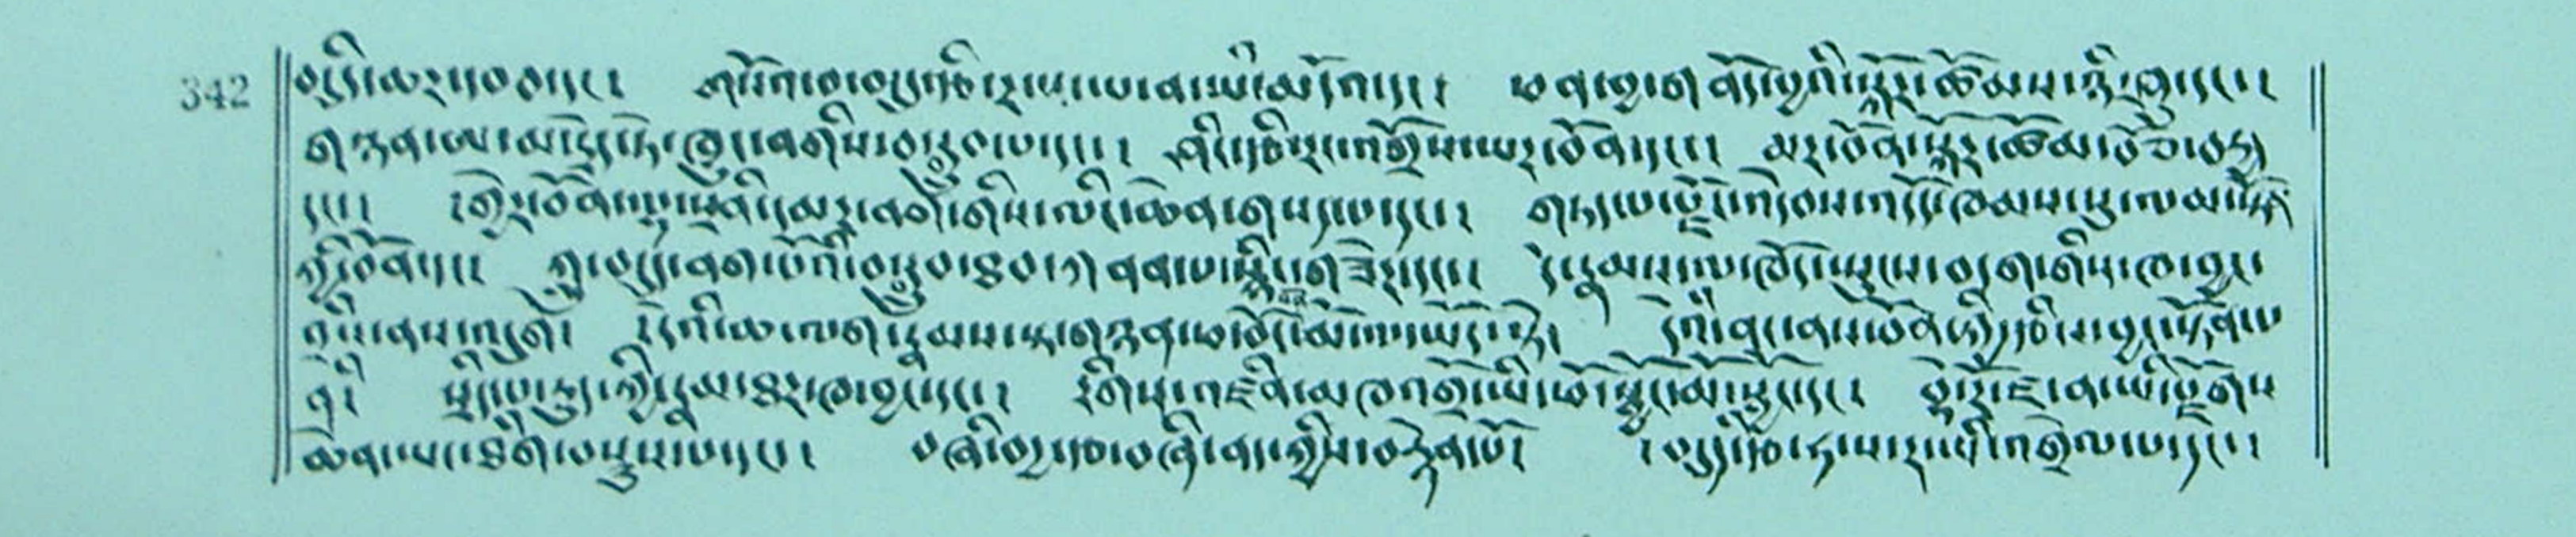བདུད་རྩིའི་ཆར་དབབ་དང་། གསོ་བ་བདུད་རྩི་ར་ས་ཡ་ནའི་མདོའ་དང་། ཕན་བྱ་གནོད་བྱའི་སྐོར་ཚོམས་ཉི་ཤུ་དང་། 
གཉན་ཨ་མ་དྲེད་དེ་ཁྱུང་ནག་གིས་བསྒྲུབ་པ་དང་། ཤིང་རྩི་རང་འགྲོས་ཡར་བོན་དང་། མར་བོན་སྐོར་ཚོམ་བཅོ་བརྒྱད་
དང་། གྱེར་བོན་ལྷ་སྲིན་དམར་ནག་གིས་ལིང་ཆེན་གསད་པ་དང་། གཏད་པའི་རྫོང་འདེབས་འདོད་ཁམས་སུ་ལམ་སྟོན་
གྱི་བོན་དང་། ཀླུ་བདུད་ནག་པོའི་བསྒྲུབ་ཐབས་གནན་པའི་སྙིང་གཟེར་དང་། དེ་རྣམས་ལ་ཁོད་སྤུངས་བདག་གིས་ཁ་བྱང་
བྲིས་ནས་འདུག དེའི་ཆ་ལག་རྣམས་སྟ་གཉན་ཕ་བོང་བོན་མོ་ལ་ཡོད་དེ། དེའི་ནང་ནས་བོན་གྱི་རྩིས་བྱང་སྟོན་པ་
ནི། སྲིད་པ་རྒྱུད་ཀྱི་རྣམ་ཐར་ཁ་བྱང་དང་། རིགས་འཛིན་མཁའ་འགྲོ་ཡི་ཕོ་སྦྱོང་མོ་སྦྱོང་དང་། བྷེ་རོ་ཙ་ན་ཡི་རྫོགས་
ཆེན་ཡང་ཏིག་བསྡུས་པ་དང་། བཞི་བརྒྱ་རྩ་བཞི་ནད་ཀྱི་གཉེན་པོ་དང་། བདུད་རྩི་ཧ་ས་ར་ཡི་འགྲེལ་བ་དང་།